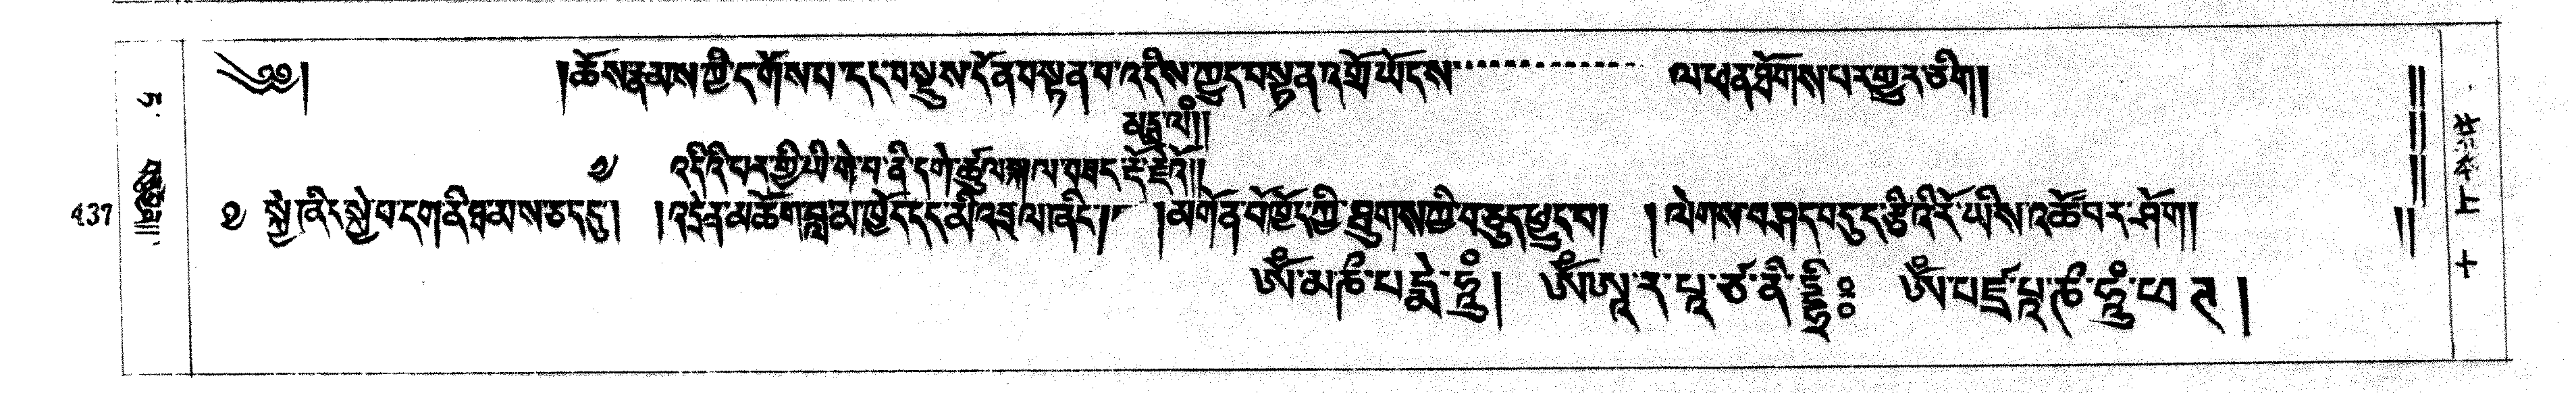༄༅། །ཆོས་རྣམས་ཀྱི་དགོས་པ་དང་བསྡུས་དོན་བསྟན་པ་འདིས་ཀྱུད་བསྟན་འགྲོ་ཡོངས་ལ་ཕན་ཐོགས་པར་གྱུར་ཅིག། །།
མངྒ་ལཾ།། །།
༧་འདིའཱི་པར་གྱི་ཡི་གེ་པ་ནི་དགེ་ཚུལ་སྐལ་བཟང་རྡོ་རྗེའོ།། ། ༧་སྐྱེ་ཞིང་སྐྱེ་བ་དག་ནི་ཐམས་ཅད་དུ། །འདྲེན་མཆོག་བླ་མ་ཁྱོད་དང་མི་འབྲལ་ཞིང་། །མགོན་པོ་ཁྱོད་ཀྱི་ཐུགས་ཀྱི་བཅུད་ཕྱུང་བ། །ལེགས་བཤད་བདུད་རྩིའི་རོ་ཡིས་འཚོ་བར་ཤོག། །།
ཨོཾ་མ་ཎྀ་པདམེ་ཧཱུཾ། ཨོཾ་ཨཱ་ར་པཱ་ཙ་ནི་དྡྷྲིཿ་ཨོཾ་བཛྲ་པཱ་ཎྀ་ཧཱུཾ་ཕཊ།